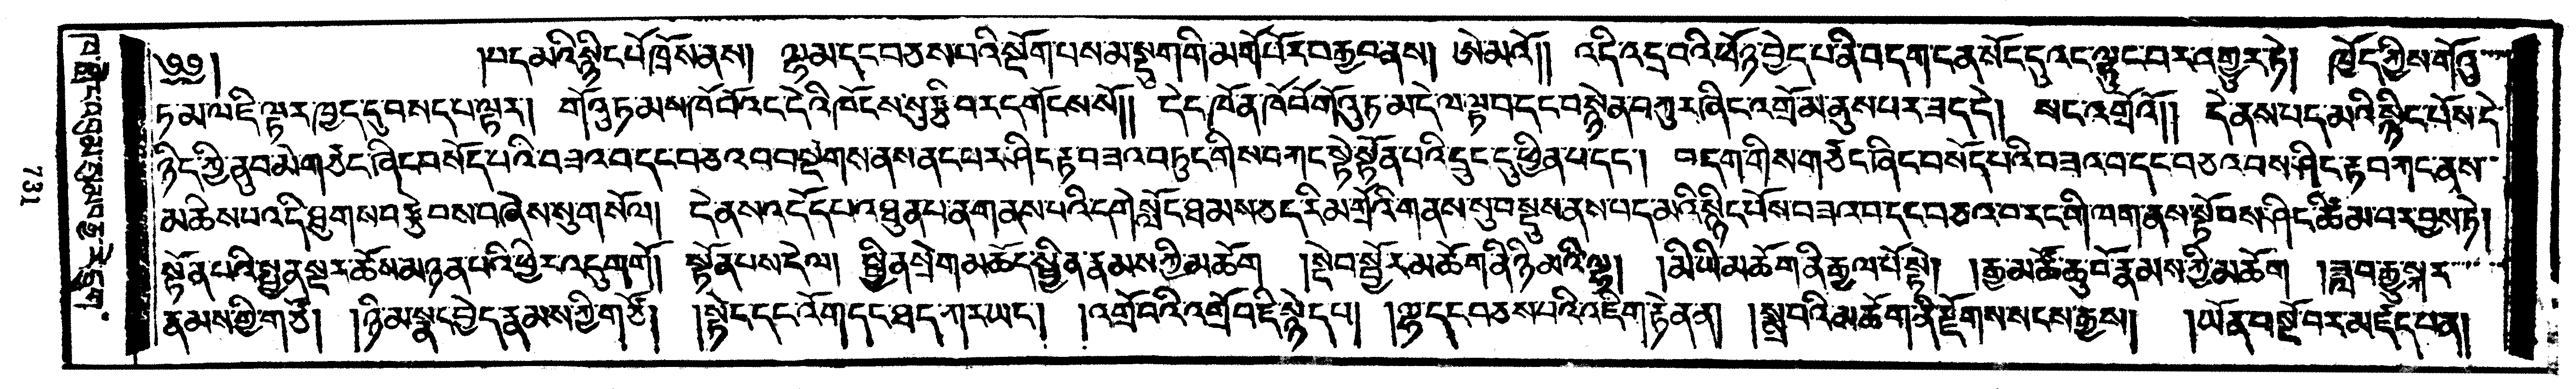༄༅། །པད་མའི་སྙིང་པོ་ཁྲོས་ནས། ལྷམ་དང་བཅས་པའི་སྡོག་པས་མ་སྡུག་གི་མགོ་པོར་བརྒྱབ་ནས། ཨེ་མའོ། །འདི་འདྲ་བའི་ཕོ་ཉ་བྱེད་པ་ནི་བདག་ངན་སོང་དུ་འང་ལྟུང་བར་འགྱུར་ཏེ། ཁྱོད་ཀྱིས་གོའུ་
ཏ་མ་ལ་ཇི་ལྟར་ཁྱད་དུ་བསད་པ་ལྟར། གོའུ་ཏ་མས་ཁོ་བོའང་དེའི་ཁོངས་སུ་རྩི་བར་དགོངས་སོ། །དེང་ཁོ་ན་ཁོ་བོ་གོའུ་ཏ་མ་དེ་ལ་ལྟ་བ་དང་བསྙེན་བཀུར་ཞིང་འགྲོ་མ་ནུས་པར་ཟད་དེ། སང་འགྲོའོ།། དེ་ནས་པད་མའི་སྙིང་པོས་དེ་
ཉིད་ཀྱི་ནུབ་མེ་གཙང་ཞིང་བསོད་པའི་བཟའ་བ་དང་བཅའ་བ་བསྡེགས་ནས་ནང་པར་ཤིང་རྟ་བཟའ་བཏུང་གིས་བཀང་སྟེ་སྟོན་པའི་དྲུང་དུ་ཕྱིན་པ་དང་། བདག་གིས་གཙང་ཞིང་བསོད་པའི་བཟའ་བ་དང་བཅའ་བས་ཤིང་རྟ་བཀང་ནས་
མཆིས་པ་འདི་ཐུགས་བརྩེབས་བཞེས་སུ་གསོལ། དེ་ནས་འདོད་པ་འཐུན་པ་ན་གནས་པའི་དགེ་སློང་ཐམས་ཅད་རིམ་གྲོའི་གནས་སུ་བསྡུས་ནས་པད་མའི་སྙིང་པོས་བཟའ་བ་དང་བཅའ་བ་རང་གི་ལག་ནས་སྟོབས་ཤིང་ཚིམ་བར་བྱས་ཏེ།
སྟོན་པའི་སྤྱན་སྔར་ཆོས་མཉན་པའི་ཕྱིར་འདུག་གོ། སྟོན་པས་དེ་ལ། སྦྱིན་སྲེག་མཆོད་སྦྱིན་རྣམས་ཀྱི་མཆོག །སྡེ་བ་སྦྱོར་མཆོག་ནི་ཉི་མའི་ལྷ། །མི་ཡི་མཆོག་ནི་རྒྱལ་པོ་སྟེ། །རྒྱ་མཚོ་ཆུ་བོ་རྣམས་ཀྱི་མཆོག །ཟླ་བ་རྒྱུ་སྐར་
རྣམས་གྱི་གཙོ། །ཉི་མ་སྣང་བྱེད་རྣམས་ཀྱི་གཙོ། །སྟེང་དང་འོག་དང་ཐད་ཀར་ཡང་། །འགྲོ་བའི་འགྲོ་བྗི་སྙེད་པ། །ལྷ་དང་བཅས་པའི་འཇིག་རྟེན་ན། །སྨྲ་བའི་མཆོག་ནི་རྫོགས་སངས་རྒྱས། །ཡོན་བསྔོ་བར་མཛད་པ་ན།